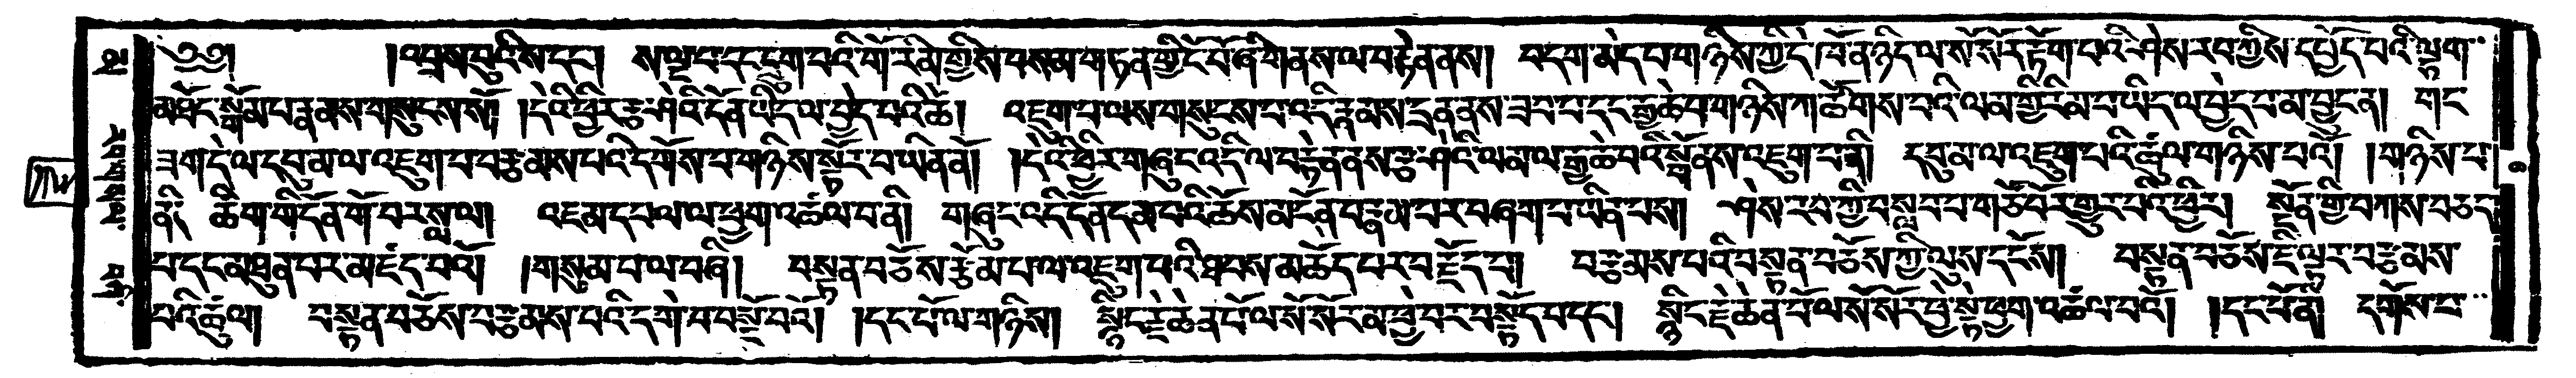༄༅། །འབྲས་བུའི་ས་དང་། ས་ལྔ་པ་དང་དྲུག་པའི་གོ་རིམ་གྱིས་བསམ་གཏན་གྱི་ངོ་བོ་ཞི་གནས་ལ་བརྟེན་ནས། བདག་མེད་པ་གཉིས་ཀྱི་དེ་ཁོ་ན་ཉིད་ལ་སོ་སོར་རྟོག་པའི་ཤེས་རབ་ཀྱིས་དཔྱོད་པའི་ལྷག་
མཐོང་སྒོམ་པ་རྣམས་གསུངས་སོ། །དེའི་ཕྱིར་རྩ་ཤེའི་དོན་ཡིད་ལ་བྱེད་པའི་ཚེ། འཇུག་པ་ལས་གསུངས་པ་འདི་རྣམས་དྲན་ནས་ཟབ་པ་དང་རྒྱ་ཆེ་བ་གཉིས་ཀ་ཚོགས་པའི་ལམ་གྱི་རིམ་པ་ཡིད་ལ་བྱེད་པ་མ་བྱུང་ན། གང་
ཟག་དེ་ལ་དབུ་མ་ལ་འཇུག་པ་བརྩམས་པའི་དགོས་པ་གཉིས་སྟོར་བ་ཡིན་ནོ། །དེའི་ཕྱིར་གཞུང་འདི་ལ་བརྟེན་ནས་རྩ་ཤེའི་ལམ་ལ་རྒྱ་ཆེ་བའི་སྒོ་ནས་འཇུག་པ་ནི། དབུ་མ་ལ་འཇུག་པའི་ཚུལ་གཉིས་པའོ། །གཉིས་པ་
ནི། ཚིག་གི་དོན་གོ་བར་སླ་ལ། འཇམ་དཔལ་ལ་ཕྱག་འཚལ་བ་ནི། གཞུང་འདི་དོན་པའི་ཆོས་མངོན་པ་རྣམ་པར་བཞག་པ་ཡིན་པས། ཤེས་རབ་ཀྱི་བསླབ་པ་གཙོ་བོར་གྱུར་པའི་ཕྱིར། སྔོན་གྱི་བཀས་བཅད་
པ་དང་མཐུན་པར་མཛད་པའོ། གསུམ་པ་ལ་བཞི། བསྟན་བཅོས་རྩོམ་པ་ལ་འཇུག་པའི་ཐབས་མཆོད་པར་བརྗོད་པ། བརྩམས་པའི་བསྟན་བཅོས་ཀྱི་ལུས་དངོས། བསྟན་བཅོས་ཇི་ལྟར་བརྩམས་
པའི་ཚུལ། བསྟན་བཅོས་བརྩམས་པའི་དགེ་བ་བསྔོ་བའོ། །དང་པོ་ལ་གཉིས། སྙིང་རྗེ་ཆེན་པོ་ལ་སོ་སོར་མ་ཕྱེ་བར་བསྟོད་པ་དང་། སྙིང་རྗེ་ཆེན་པོ་ལ་སོ་སོར་ཕྱེ་སྟེ་ཕྱག་འཚལ་བའོ། །དང་པོ་ནི། དགོས་པ་